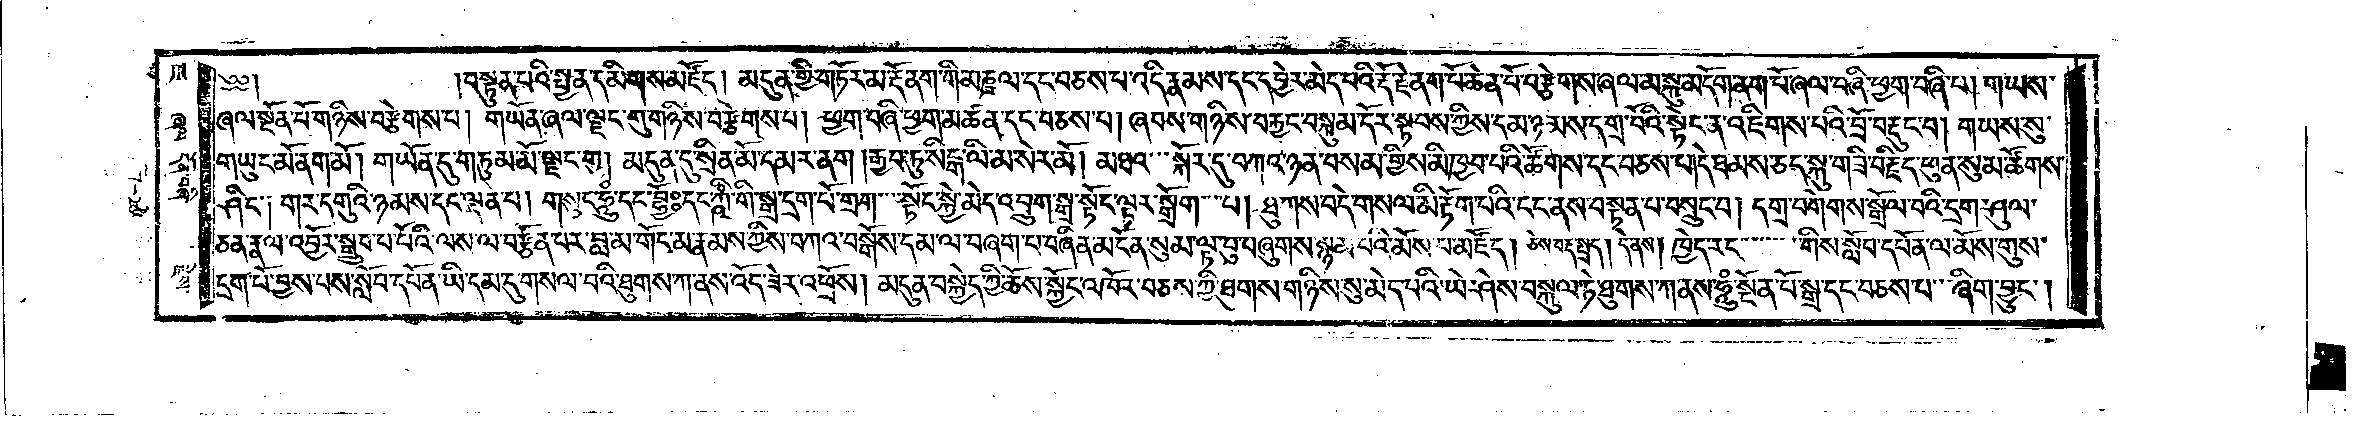༄༅། །བ་སྟུན་པའི་སྤྱན་དམིགས་མཛོད། མདུན་གྱི་གཏོར་མ་རྡོ་ནག་གི་མཎྜལ་དང་བཅས་པ་འདི་རྣམས་དང་དབྱེར་མེད་པའི་རྡོ་རྗེ་ནག་པོ་ཆེན་པོ་བརྩེགས་ཞལ་མ་སྐུ་མདོག་ནག་པོ་ཞལ་བཞི་ཕྱག་བཞི་པ། གཡས་
༈ ལ་སྔོན་པོ་གཉིས་བརྩེགས་པ། གཡོན་ཞལ་ལྗང་གུ་གཉིས་བརྩེགས་པ། ཕྱག་བཞི་ཕྱག་མཚན་དང་བཅས་བ། ཞབས་གཉིས་བརྐྱང་བསྐུམ་དོར་སྟབས་ཀྱིས་དམ་ཉམས་དགྲ་བོའི་སྟེང་ན་འཇིགས་པའི་བྲོ་བརྡུང་བ། གཡས་སུ་
གཡུང་མོ་ནག་མོ། གཡོན་དུ་གཏུམ་མོ་ལྗང་གུ། མདུན་དུ་སྲིན་མོ་དམར་ནག །རྒྱབ་ཏུ་སིངྒ་ལི་མ་སེར་མོ། མཐའ་སྐོར་དུ་བཀའ་ཉན་བ་སམ་གྱིས་མི་ཁྱབ་པའི་ཚོགས་དང་བཅས་པ། དེ་ཐམས་ཅད་སྐུ་གཟི་བརྗིད་ཕུན་སུམ་ཚོགས་
ཤིང༑ གར་དུའི་ཉམས་དང་ལྡན་པ། གསུང་ཧཱུཾ་དང་བྷྱོཿ དང་ཀཥིཾ་གི་སྒྲ་དྲག་པོ་གྲག་སྟོང་སྐྱེ་མེད་འབྲུག་སྒྲ་སྟོང་ལྟར་སྒྲོག་པ། ཐུགས་བདེ་གསལ་མི་རྟོག་པའི་ངང་ནས་བསྟན་པ་བསྲུང་བ། དགྲ་བགེགས་སྒྲོལ་བའི་དྲག་ཤུལ་
ཅན་རྣལ་འབྱོར་སྒྲུབ་པ་པོའི་ལས་ལ་བརྩོན་པར་བླ་མ་གོང་མ་རྣམས་ཀྱིས་བཀའ་བསྒོས་དམ་ལ་བཞག་བ་བཞིན་མངོན་གསུམ་ལྟ་བུ་བཞུགས་སྙམ་པའི་མོས་པ་མཛོད། ཅེས་བརྡ་སྤྲད། དེ་ནས།  ཁྱེད་རང་གིས་སློབ་དཔོན་ལ་མོས་གུས་
དྲག་པོ་བྱས་པས་སློབ་དཔོན་ཡི་དམ་དུ་གསལ་བའི་ཐུགས་ཀ་ནས་འོད་ཟེར་འཕྲོས། མདུན་བསྐྱེད་ཀྱི་ཆོས་སྐྱོང་འཁོར་བཅས་ཀྱི་ཐུགས་གཉིས་སུ་མེད་པའི་ཡེ་ཤེས་བསྐུལ་ཏེ་ཐུགས་ཀ་ནས་ཧཱུཾ་སྔོན་པོ་སྒྲ་དང་བཅས་པ་ཞིག་བྱུང་།